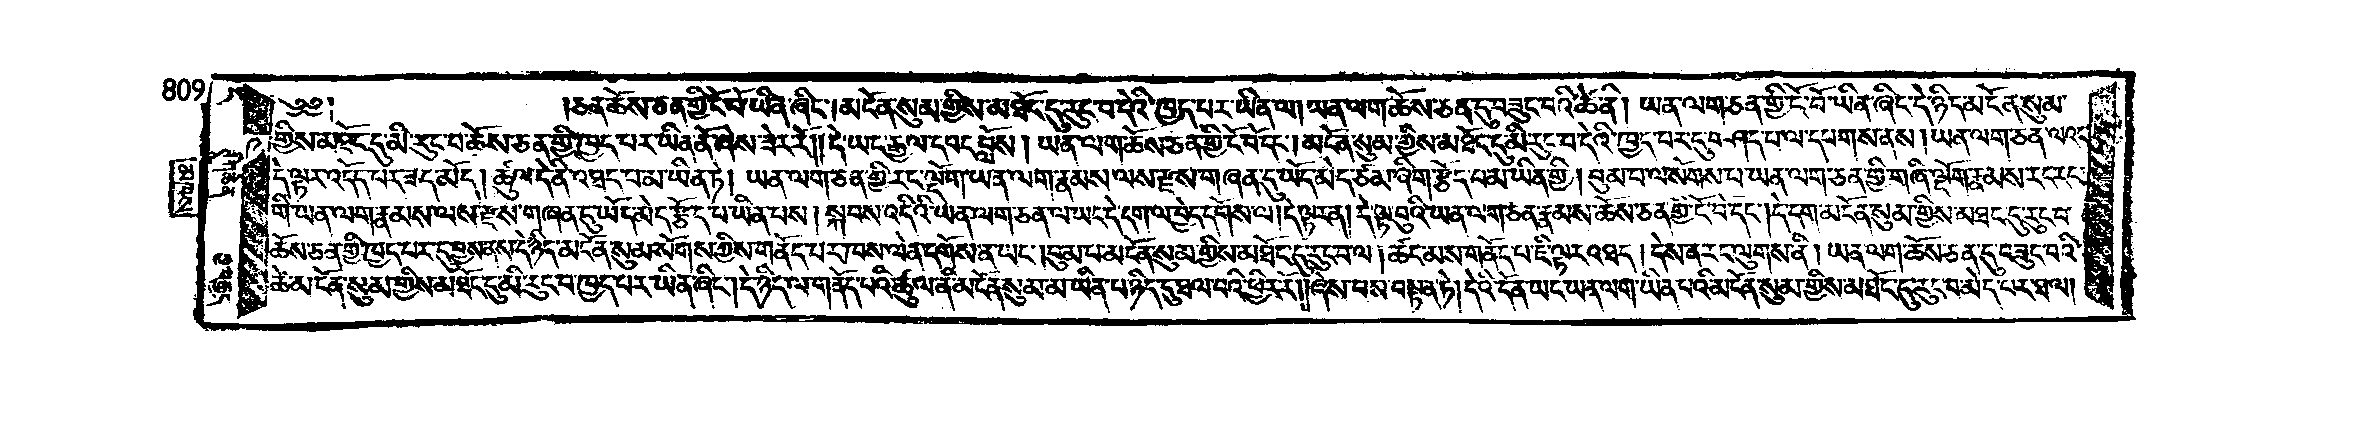༄༅། །ཅན་ཆོས་ཅན་གྱི་ངོ་བོ་ཡིན་ཞིང་། མངོན་སུམ་གྱིས་མཐོང་དུ་རུང་བ་དེའི་ཁྱད་པར་ཡིན་ལ། ཡན་ལག་ཆོས་ཅན་དུ་བཟུང་བའི་ཚེ་ནི། ཡན་ལག་ཅན་གྱི་ངོ་བོ་ཡིན་ཞིང་དེ་ཉིད་མངོན་སུམ་
གྱིས་མཐོང་དུ་མི་རུང་བ་ཆོས་ཅན་གྱི་ཁྱད་པར་ཡིན་ནོ་ཞེས་ཟེར་རོ། །དེ་ཡང་རྒྱལ་དབང་བློས། ཡན་ལག་ཆོས་ཅན་གྱི་ངོ་བོ་དང་། མངོན་སུམ་གྱིས་མཐོང་དུ་མི་རུང་བ་དེའི་ཁྱད་པར་དུ་བཤད་པ་ལ་དཔགས་ནས། ཡན་ལག་ཅན་ལའང་
དེ་ལྟར་འདོད་པར་ཟད་མོད། ཚུལ་དེ་ནི་འཐད་པ་མ་ཡིན་ཏེ། ཡན་ལག་ཅན་གྱི་རང་ལྡོག་ཡན་ལག་རྣམས་ལས་རྫས་གཞན་དུ་ཡོད་མེད་ཙམ་ཞིག་རྩོད་པ་མ་ཡིན་གྱི། བུམ་པ་ལ་སོགས་པ་ཡན་ལག་ཅན་གྱི་གཞི་ལྡོག་རྣམས་རང་རང་
གི་ཡན་ལག་རྣམས་ལས་རྫས་གཞན་དུ་ཡོད་མེད་རྩོད་པ་ཡིན་པས། སྐབས་འདིའི་ཡན་ལག་ཅན་ལ་ཡང་དེ་དག་ལ་བྱེད་དགོས་ལ། དེ་ལྟར་ན། དེ་ལྟ་བུའི་ཡན་ལག་ཅན་རྣམས་ཆོས་ཅན་གྱི་ངོ་བོ་དང་། དེ་དག་མངོན་སུམ་གྱིས་མཐོང་དུ་རུང་བ་
ཆོས་ཅན་གྱི་ཁྱད་པར་དུ་བྱས་ནས་དེ་ཉིད་མངོན་སུམ་སོགས་ཀྱིས་གནོད་པར་ཁས་ལེན་དགོས་ན་ཡང་། བུམ་པ་མངོན་སུམ་གྱིས་མཐོང་དུ་རུང་བ་ལ། ཚད་མས་གནོད་པ་ཇི་ལྟར་འཐད། དེས་ན་རང་ལུགས་ནི། ཡན་ལག་ཆོས་ཅན་དུ་བཟུང་བའི་
ཚེ་མངོན་སུམ་གྱིས་མཐོང་དུ་མི་རུང་བ་ཁྱད་པར་ཡིན་ཞིང་། དེ་ཉིད་ལ་གནོད་པའི་ཚུལ་ནི་མངོན་སུམ་མ་ཡིན་པ་ཉིད་དུ་ཐལ་བའི་ཕྱིར་རོ། །ཞེས་པས་བསྟན་ཏེ། དེའི་དོན་ཡང་ཡན་ལག་ཡིན་པའི་མངོན་སུམ་གྱིས་མཐོང་དུ་རུང་བ་མེད་པར་ཐལ།